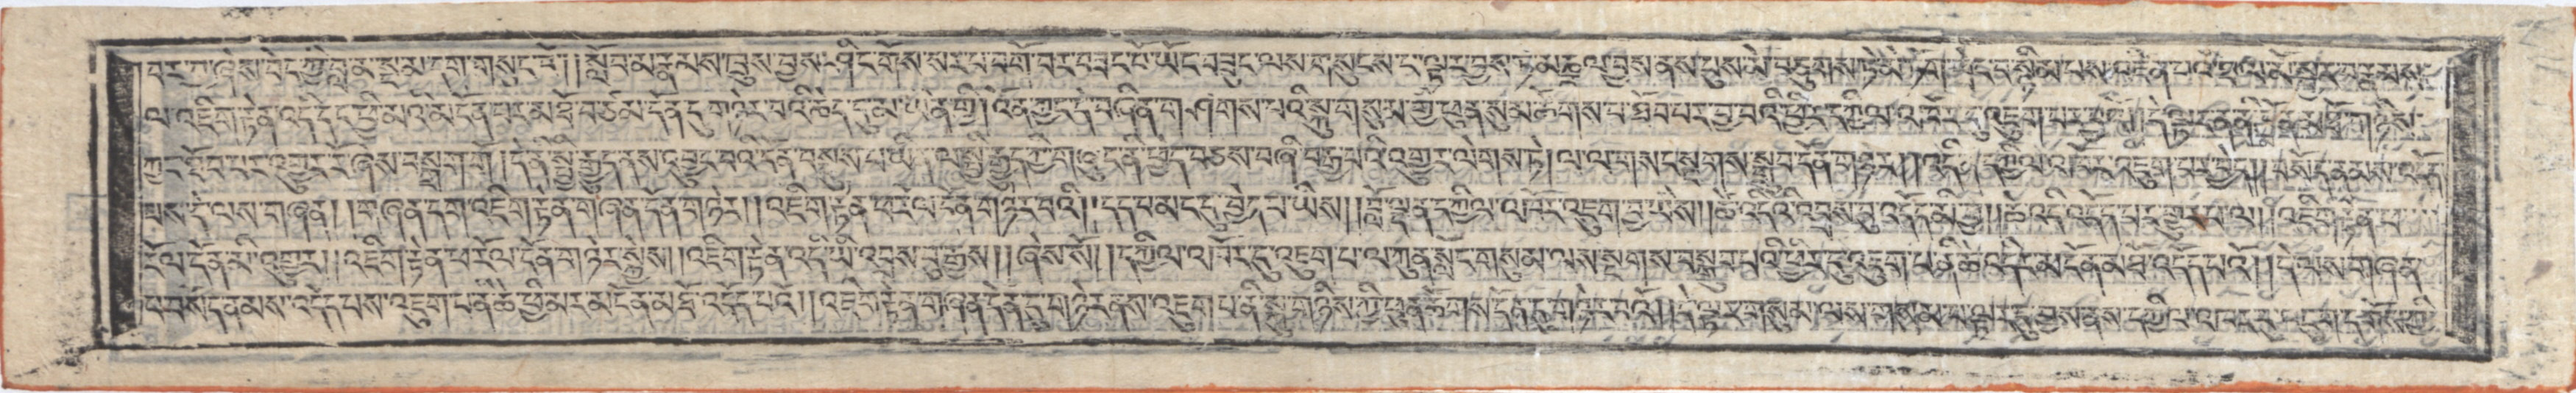བར་བྱ་ཞེས་བོད་ཀྱི་བླ་མ་སྔ་མ་དག་གསུང་ངོ། །སློབ་མ་རྣམས་ཁྲུས་བྱས་ཤིང་གོས་སར་པ་བགོ་བར་བཟང་པོ་ཡོངས་བཟུང་ལས་གསུངས་པ་ལྟར་བྱས་ཏེ་མཎྜལ་བྱས་ནས་པུས་མོ་བཙུགས་ཏེ་མེ་ཏོག་ཕྲེང་བ་སྙིམ་པས་འཛིན་པའི་ཐལ་མོ་སྦྱར་བ་རྣམས་
ལ་འཇིག་རྟེན་འདི་དང་ཕྱི་མའི་མངོན་པར་མཐོ་བ་ཙམ་དོན་དུ་གཉེར་བའི་ཆེད་དུ་མ་ཡིན་གྱི། འོན་ཀྱང་དེ་བཞིན་གཤེགས་པའི་སྐུ་གསུམ་གྱི་ཕུན་སུམ་ཚོགས་པ་ཐོབ་པར་བྱ་བའི་ཕྱིར་དཀྱིལ་འཁོར་དུ་འཇུག་པར་བྱའོ། །དེ་ལྟར་ན་ནི་མ་དོན་མཐོ་གཉིས་
ཀྱང་ཐོབ་པར་འགྱུར་རོ་ཞེས་བསྒྲག་གོ །དེ་ནི་སྤྱི་རྒྱུད་ནས་འབྱུང་བའི་དོན་བསྡུས་པ་ཡིན་ལ་སྤྱི་རྒྱུད་ཀྱི་གཞུང་ནི་ཕྱེད་བཅས་བཞི་བརྒྱ་པའི་འགྱུར་ལེགས་ཏེ། ལ་ལ་གསང་སྔགས་སྒྲུབ་དོན་གཉེར། །འདི་ན་དཀྱིལ་འཁོར་འཇུག་པར་བྱེད། །བསོད་ནམས་འདོད་
པས་དེ་ལས་གཞན། །གཞན་དག་འཇིག་རྟེན་གཞན་དོན་གཉེར། །འཇིག་རྟེན་ཕ་རོལ་དོན་གཉེར་བའི། །དད་པ་མང་དུ་བྱེད་པ་ཡིས། །བློ་ལྡན་དཀྱིལ་འཁོར་འཇུག་བྱ་ཡིས། །ཚེ་འདིའི་འབྲས་བུ་འདོད་མི་བྱ། །ཚེ་འདི་འདོད་པར་གྱུར་པ་ལ། །འཇིག་རྟེན་ཕ་
རོལ་དོན་མི་འགྱུར། །འཇིག་རྟེན་ཕ་རོལ་དོན་གཉེར་སྐྱེས། །འཇིག་རྟེན་འདི་ཡི་འབྲས་བུ་རྒྱས། །ཞེས་སོ། །དཀྱིལ་འཁོར་དུ་འཇུག་པ་ལ་ཀུན་སློང་གསུམ་ལས་སྔགས་བསྒྲུབ་པའི་ཕྱིར་དུ་འཇུག་པ་ནི་ཆེ་འདིར་མངོན་མཐོ་འདོད་པའོ། །དེ་ལས་གཞན་
པ་བསོད་ནམས་འདོད་པས་འཇུག་པ་ནི་ཆེ་ཕྱི་མར་མངོན་མཐོ་འདོད་པའོ། །འཇིག་རྟེན་གཞན་དོན་དུ་གཉེར་ནས་འཇུག་པ་ནི་སྐུ་གཉིས་ཀྱི་ཕུན་ཚོགས་དོན་དུ་གཉེར་བའོ། །དེ་ལྟར་གསུམ་ལས་གསུམ་པ་ལྟར་དུ་བྱས་ནས་དཀྱིལ་འཁོར་དུ་འཇུག་དགོས་ཀྱི་